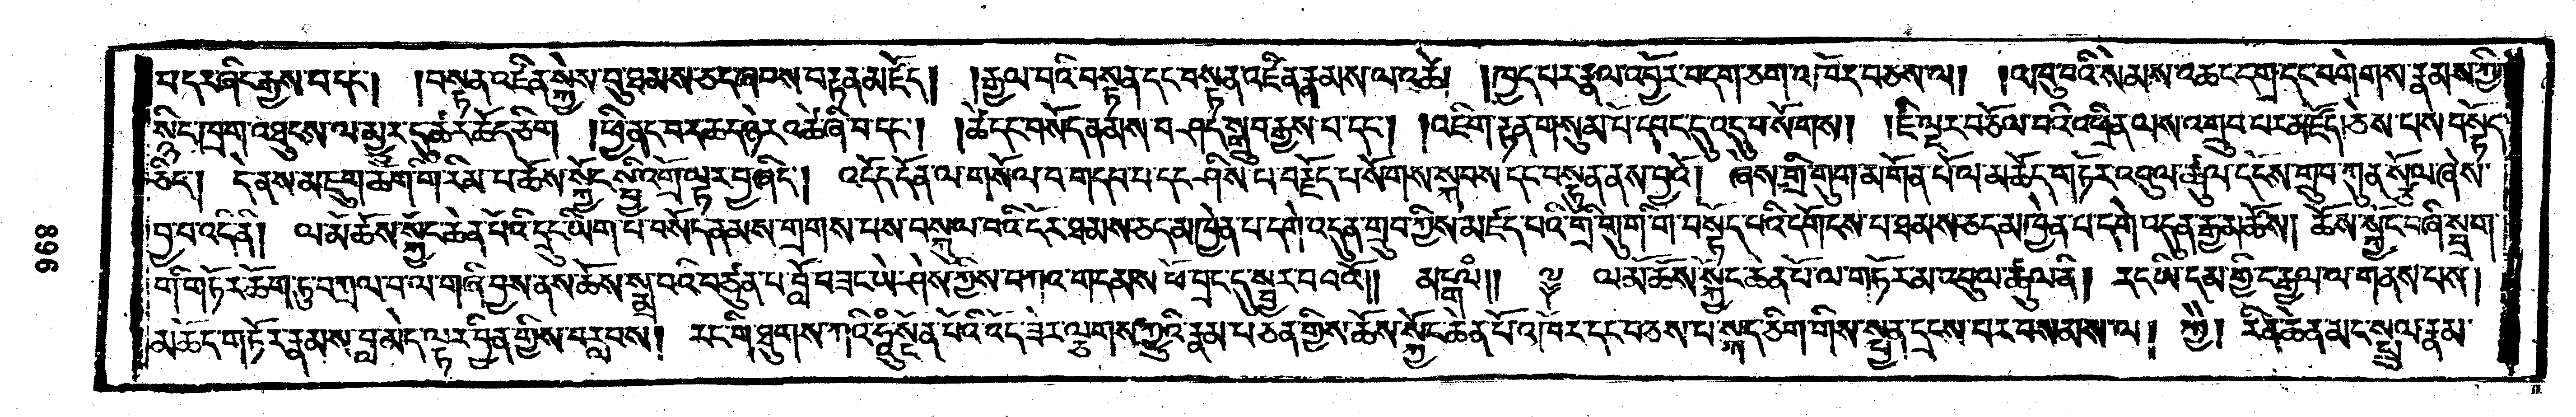པ་དར་ཞིང་རྒྱས་པ་དང་། །བསྟན་འཛིན་སྐྱེས་བུ་ཐམས་ཅད་ཞབས་བརྟན་མཛོད། །རྒྱལ་བའི་བསྟན་དང་བསྟན་འཛིན་རྣམས་ལ་འཚེ། །ཁྱད་པར་རྣལ་འབྱོར་བདག་ཅག་འཁོར་བཅས་ལ། །འཁུ་བའི་སེམས་འཆང་དགྲ་དང་བགེགས་རྣམས་ཀྱི་
སྙིང་ཁྲག་འཐུངས་ལ་མྱུར་དུ་ཚར་ཆོད་ཅིག །ཕྱི་ནང་བར་ཆད་ཉེར་འཚེ་ཞི་བ་དང་། །ཚེ་དང་བསོད་ནམས་བཤད་སྒྲུབ་རྒྱས་པ་དང་། །འཇིག་རྟེན་གསུམ་པོ་དབང་དུ་འདུ་པ་སོགས། །ཇི་ལྟར་བཅོལ་བའི་འཕྲིན་ལས་འགྲུབ་པར་མཛོད། ཅེས་པས་བསྟོད་
ཅིང་། དེ་ནས་མཇུག་ཆོག་གི་རིམ་པ་ཆོས་སྐྱོང་སྤྱི་འགྲོ་ལྟར་བྱ་ཞིང་། འདོད་དོན་ལ་གསོལ་བ་གདབ་པ་དང་ཤིས་པ་བརྗོད་པ་སོགས་སྐབས་དང་བསྟན་ནས་བྱའོ། ཞེས་གྲི་གུག་མགོན་པོ་ལ་མཆོད་གཏོར་འབུལ་ཚུལ་དངོས་གྲུབ་ཀུན་སྩོལ་ཞེས་
བྱ་བ་འདི་ནི། ལ་མོ་ཆོས་སྐྱོང་ཆེན་པོའི་དྲུང་ཡིག་པ་བསོད་ནམས་གྲགས་པས་བསྐུལ་བའི་དོར་ཐམས་ཅད་མཁྱེན་པ་དགེ་འདུན་གྲུབ་ཀྱིས་མཛད་པའི་གྲི་གུག་གི་བསྟོད་པའི་དགོངས་པ་ཐམས་ཅད་མཁྱེན་པ་དགེ་འདུན་རྒྱ་མཚོས། ཆོས་སྐྱོང་བཞི་སྦྲག་
གི་གཏོར་ཆོག་ཏུ་བཀྲལ་བ་ལ་གཞི་བྱས་ནས་ཆོས་སྨྲ་བའི་བཙུན་པ་བློ་བཟང་ཡེ་ཤེས་ཀྱིས་བཀའ་གདམས་ཕོ་བྲང་དུ་སྦྱར་བ་བའོ།། མངྒལཾ།། འ་ལ་མོ་ཆོས་སྐྱོང་ཆེན་པོ་ལ་གཏོར་མ་འབུལ་ཚུལ་ནི། རང་ཡི་དམ་གྱི་ང་རྒྱལ་ལ་གནས་པས།
མཆོད་གཏོར་རྣམས་བླ་མེད་ལྟར་བྱིན་གྱིས་བརླབས། རང་གི་ཐུགས་ཀའི་ཧཱུཾ་སྔོན་པོའི་འོད་ཟེར་ལྕགས་ཀྱུའི་རྣམ་པ་ཅན་གྱིས་ཆོས་སྐྱོང་ཆེན་པོ་འཁོར་དང་བཅས་པ་སྐད་ཅིག་གིས་སྤྱན་དྲངས་པར་བསམས་ལ། ཀྱཻ། རིན་ཆེན་མང་སྤྲུལ་རྣམ་